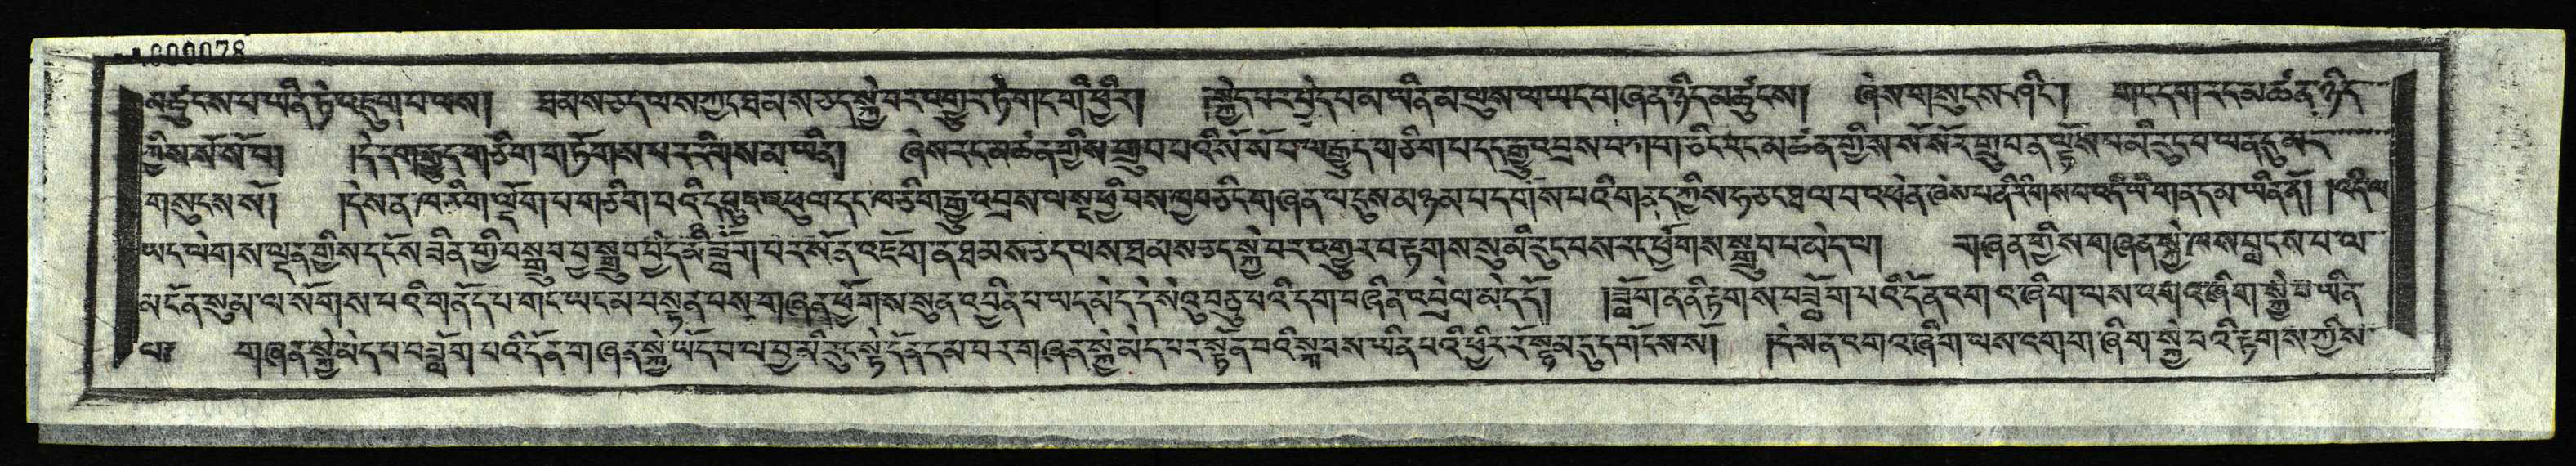མཚུངས་པ་ཡིན་ཏེ་འཇུག་པ་ལས། ཐམས་ཅད་ལས་ཀྱང་ཐམས་ཅད་སྐྱེ་བར་འགྱུར་ཏེ་གང་གི་ཕྱིར། །སྐྱེད་པར་བྱེད་པ་མ་ཡིན་མ་ལུས་ལ་ཡང་གཞན་ཉིད་མཚུངས། ཞེས་གསུངས་ཤིང་། གང་དག་རང་མཚན་ཉིད་
ཀྱིས་སོ་སོ་བ། །དེ་དག་རྒྱུད་གཅིག་གཏོགས་པར་རིགས་མ་ཡིན། ཞེས་རང་མཚན་གྱིས་གྲུབ་པའི་སོ་སོ་བ་ལ་རྒྱུད་གཅིག་པ་དང་རྒྱུ་འབྲས་བཀག་ཅིང་རང་མཚན་གྱིས་སོ་སོར་གྲུབ་ན་ལྟོས་པ་མི་རུང་བ་ལན་དུ་མང་
གསུངས་སོ། །དེས་ན་ཁ་ཅིག་ལྡོག་པ་གཅིག་པའི་དཔུང་འཕུལ་དང་ཁ་ཅིག་རྒྱུ་འབྲས་ལ་སྔ་ཕྱི་བས་ཁྱབ་ཅིང་གཞན་ལ་དུས་མཉམ་པ་དགོས་པའི་གནད་ཀྱིས་ཧ་ཅང་ཐལ་བ་འཕེན་ཞེས་པ་ནི་རིགས་པ་འདི་ཡི་གནད་མ་ཡིན་ནོ། །འདི་ལ་
ཡང་ལེགས་ལྡན་གྱིས་དངོས་ཟིན་གྱི་བསྒྲུབ་བྱ་སྒྲུབ་བྱེད་མི་ཟློག་པར་སོ་ན་འཇོག་ན་ཐམས་ཅད་ལས་ཐམས་ཅད་སྐྱེ་བར་འགྱུར་བ་རྟགས་སུ་མི་རུང་བས་རང་ཕྱོགས་སྒྲུབ་པ་མེད་ལ། གཞན་གྱིས་གཞན་སྐྱེ་ཁས་བླངས་པ་ལ་
མངོན་སུམ་ལ་སོགས་པའི་གནོད་པ་གང་ཡང་མ་བསྟན་པས་གཞན་ཕྱོགས་སུན་འབྱིན་པ་ཡང་མེད་དེ་སེའུ་བཅུ་པའི་དག་བཞིན་འབྲེལ་མེད་དོ། །ཟློག་ན་ནི་རྟགས་བཟློག་པའི་དོན་འགའ་ཞིག་ལས་འགའ་ཞིག་སྐྱེ་བ་ཡིན་
པ༑ གཞན་སྐྱེ་མེད་པ་བཟློག་པའི་དོན་གཞན་སྐྱེ་ཡོད་པ་ལ་བྱ་མི་རུང་སྟེ་དོན་དམ་པར་གཞན་སྐྱེ་མེད་པར་སྟོན་པའི་སྐབས་ཡིན་པའི་ཕྱིར་རོ་སྙམ་དུ་དགོངས་སོ། །དེས་ན་འགའ་ཞིག་ལས་འགག་ཞིག་སྐྱེ་བའི་རྟགས་ཀྱིས་